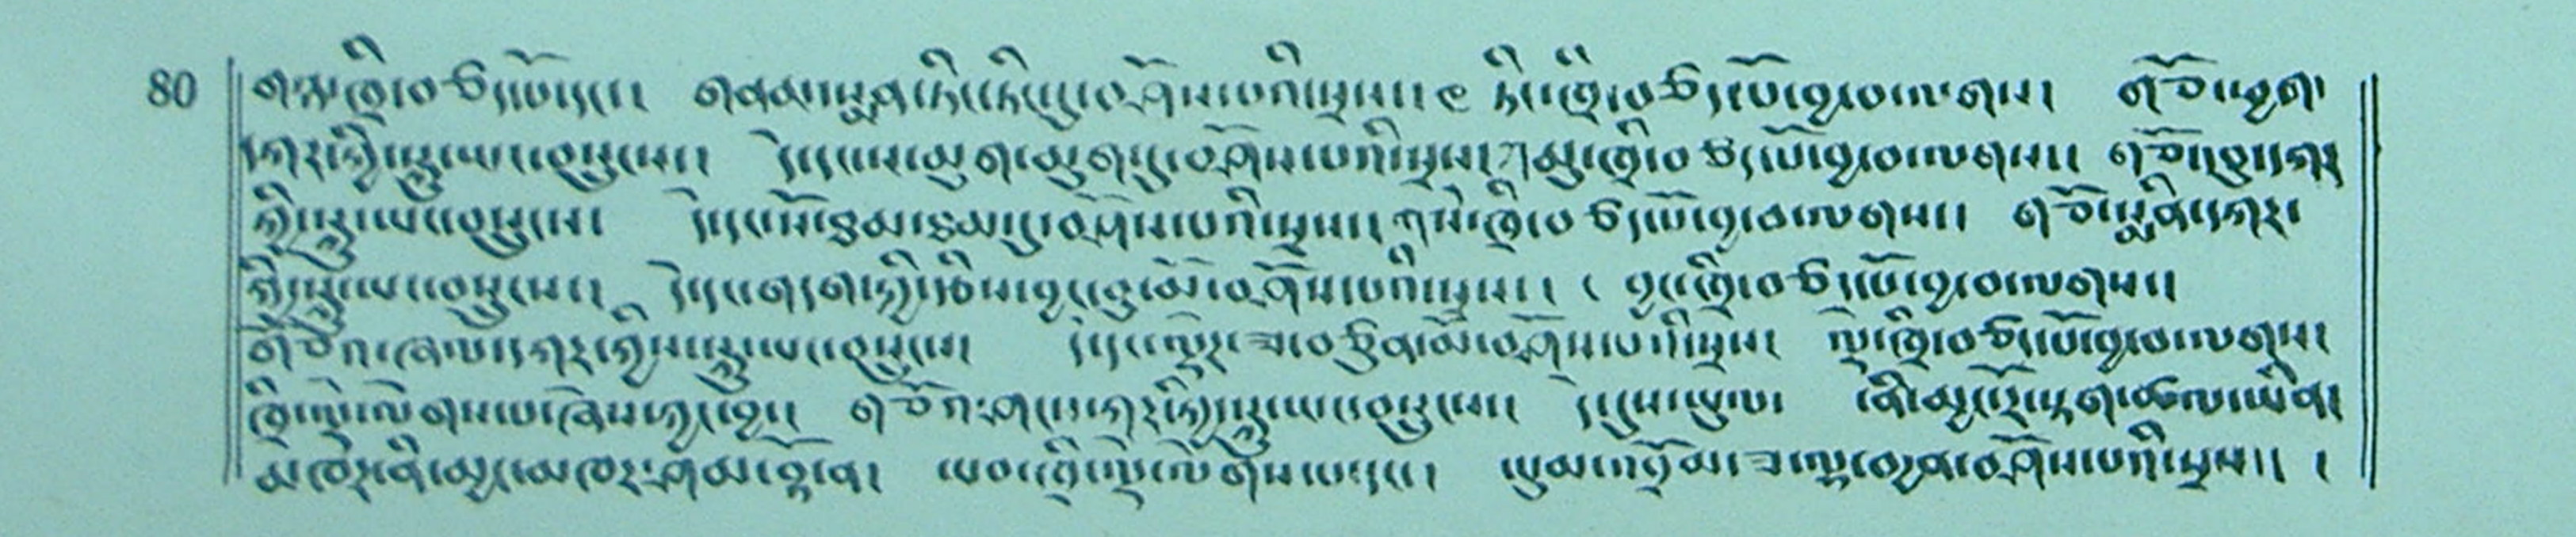ཉག་ཁྲི་བཙན་པོ་དང་། གནམ་སྨན་ཏིང་ཏིང་བཤོས་པའི་སྲས། ཁ ཏིང་ཁྲི་བཙད་པོ་བྱ་བ་ལགས། གཅོའ་ཕྱག་
དཀར་གྱི་སྐུ་ཡང་བསྲུངས། དེ་དང་ས་མུག་མུག་དུ་བཤོས་པའི་སྲས། ཀ མུ་ཁྲི་བཙད་པོ་བྱ་བ་ལགས། གཅོ་དབུ་དཀར་
ཀྱི་སྐུ་ཡང་བསྲུངས། དེ་དང་སོ་ཐམ་ཐམ་བཤོས་པའི་སྲས། ཀ སོ་ཁྲི་བཙད་པོ་བྱ་བ་ལགས། གཅོ་སྨིན་དཀར་
གྱི་སྐུ་ཡང་བསྲུངས། དེ་དང་གདགས་ཀྱི་རྩིས་བྱང་བུ་མོ་བཤོས་པའི་སྲས། བྱང་ཁྲི་བཙད་པོ་བྱ་བ་ལགས། 
གཅོའ་ཞལ་དཀར་གྱིས་སྐུ་ཡང་བསྲུངས། དེ་དང་ལྡེགས་ཟ་བཙུན་མོ་བཤོས་པའི་སྲས། ལྡེ་ཁྲི་བཙད་པོ་བྱ་བ་ལགས། 
ཁྲི་ལྡེ་ལེགས་པ་ཞེས་ཀྱང་བྱ། གཅོའ་ཤངས་ཀར་གྱི་སྐུ་ཡང་བསྲུངས། དེ་དུས་ཡུལ་ནི་མྱང་རོ་སྟག་ཚལ་ཡིན། 
མཁར་ནི་མྱང་མཁར་ཤམ་བྷོ་ན། ཡབ་ཁྲི་ལྡེ་ལེགས་པ་དང་། ཡུམ་འབྲོམ་ཟ་ལྷ་བརྒྱན་བཤོས་པའི་སྲས།